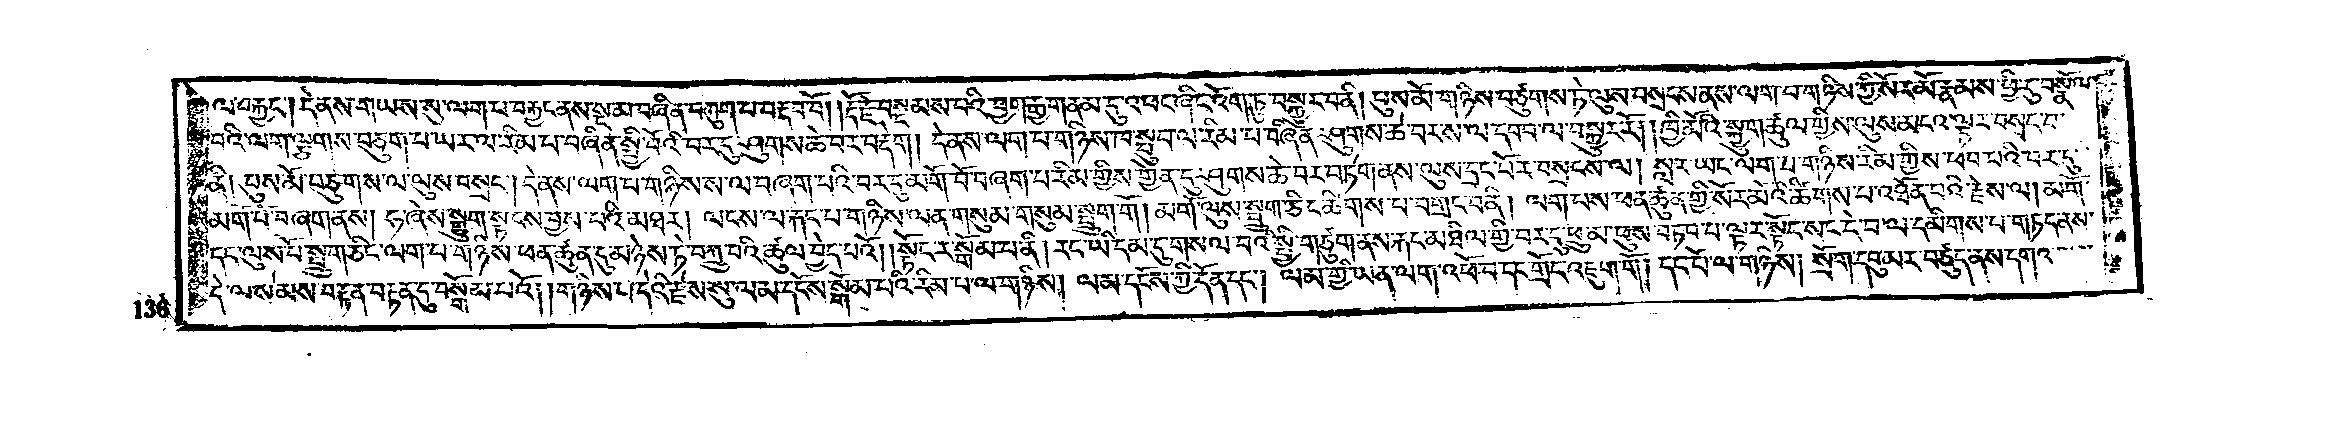ལ་བརྐྱང་། དེ་ནས་གཡས་སུ་ལག་པ་བརྐྱང་ནས་སྔ་མ་བཞིན་བཀུག་པ་བརྡབ་བོ། །རྡོ་རྗེ་བསྡམས་པའི་ཕྱག་རྒྱ་གནམ་དུ་འཕང་ཞིང་འོག་ཏུ་བསྐྱུར་བ་ནི། པུས་མོ་གཉིས་བཙུགས་ཏེ་ལུས་བསྲངས་ནས་ལག་པ་གཉིས་ཀྱི་སོར་མོ་རྣམས་ཕྱི་རུ་བསྣོལ་
བའི་ལག་ལྕགས་བཅུག་པ་ཡར་ལ་རིམ་པ་བཞིན་སྤྱི་བོའི་བར་དུ་ཤུགས་ཆེ་བར་བརྡེག །དེ་ནས་ལག་པ་གཉིས་ཁ་སྤུབ་ལ་རིམ་པ་བཞིན་ཤུགས་ཆེ་བར་ས་ལ་དབབ་ལ་བསྐྱུར་རོ། །ཁྱི་མོའི་སྐྱུག་ཚུལ་གྱིས་ལུས་མདའ་ལྟར་བསྲང་བ་
ནི། པུས་མོ་བཙུགས་ལ་ལུས་བསྲང་། དེ་ནས་ལག་པ་གཉིས་ས་ལ་བཞག་པའི་བར་དུ་མགོ་བོ་བཞག་པ་རིམ་གྱིས་གྱེན་དུ་ཤུགས་ཆེ་བར་བཏེག་ནས་ལུས་དྲང་པོར་བསྲངས་ལ། སླར་ཡང་ལག་པ་གཉིས་རིམ་གྱིས་ཕབ་པའི་བར་དུ་
མགོ་བོ་བཞག་ནས། ཧ་ཞེས་སྐྱུག་སྟངས་བྱས་པའི་མཐར། ལངས་ལ་རྐང་པ་གཉིས་ལན་གསུམ་གསུམ་སྤྲུག་གོ །མགོ་ལུས་སྤྲུག་ཅིང་ཚིགས་པ་བགྲང་བ་ནི། ལག་པས་ཕན་ཚུན་གྱི་སོར་མོའི་ཚིགས་པ་འཐོན་པའི་རྗེས་ལ། མགོ་
དང་ལུས་པོ་སྦྲུག་ཅིང་ལག་པ་གཉིས་ཕན་ཚུན་དུ་མཉེས་ཏེ་བཀྲུ་བའི་ཚུལ་བྱེད་པའོ། །སྟོང་ར་སྒོམ་པ་ནི། རང་ཡི་དམ་དུ་གསལ་བའི་སྤྱི་གཙུག་ནས་རྐང་མཐིལ་གྱི་བར་དུ་ཕྲུ་མ་ཕུས་བཏབ་པ་ལྟར་སྟོང་སང་དེ་བ་ལ་དམིགས་པ་གཏད་ནས་
དེ་ལ་སེམས་བརྟན་བརྟན་དུ་བསྒོམ་པའོ། །གཉིས་པ་དེའི་རྗེས་སུ་ལམ་དངོས་སྒོམ་པའི་རིམ་པ་ལ་གཉིས། ལམ་དངོས་ཀྱི་དོན་དང་། ལམ་གྱི་ཡན་ལག་འཕོ་བ་དང་གྲོང་འཇུག་གོ །དང་པོ་ལ་གཉིས། སྲོག་དབུ་མར་བཙུད་ནས་དགའ་